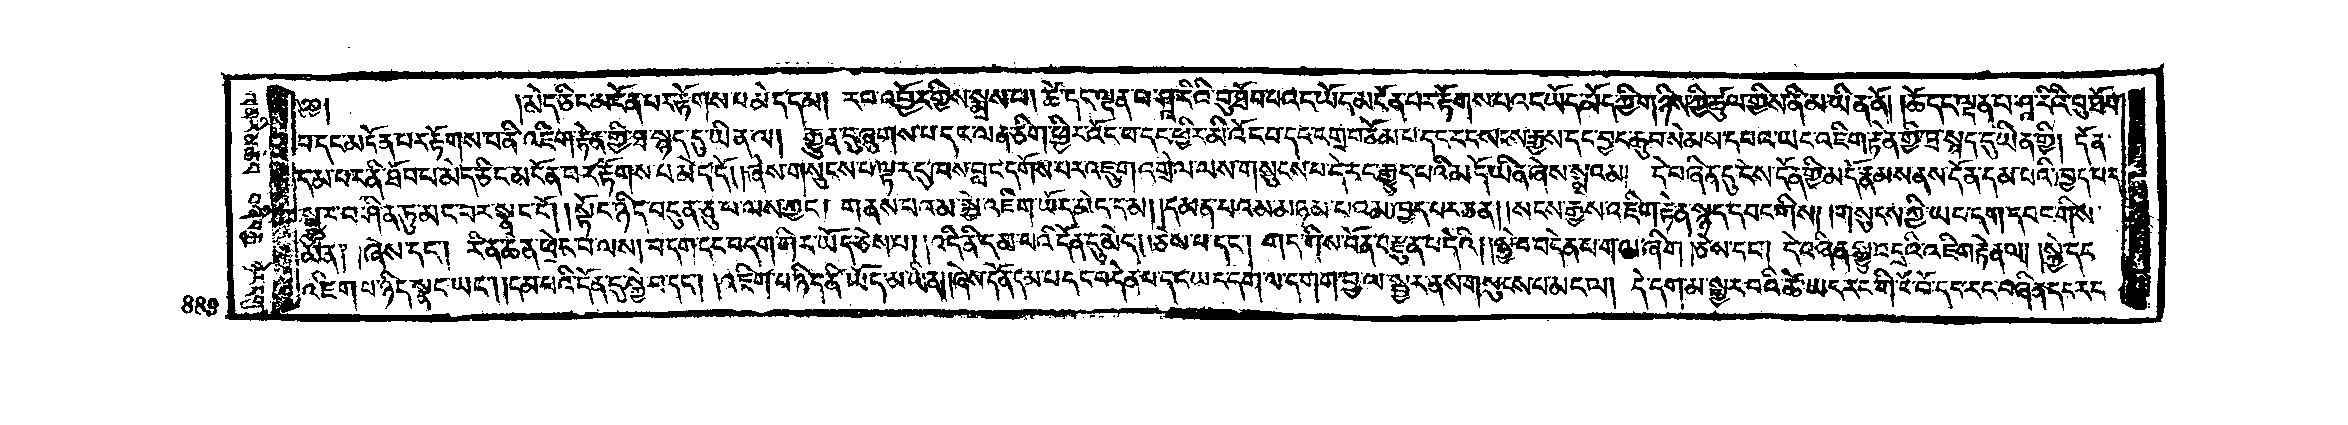༄༅། །མེད་ཅིང་མངོན་པར་རྟོགས་པ་མེད་དམ། རབ་འབྱོར་གྱིས་སྨྲས་པ། ཚེ་དང་ལྡན་པ་ཤཱ་རིའི་བུ་ཐོབ་པའང་ཡོད་མངོན་པར་རྟོགས་པའང་ཡོད་མོད་ཀྱི་གཉིས་ཀྱི་ཚུལ་གྱིས་ནི་མ་ཡིན་ནོ། །ཚེ་དང་ལྡན་པ་ཤཱ་རིའི་བུ་ཐོབ་
པ་དང་མངོན་པར་རྟོགས་པ་ནི་འཇིག་རྟེན་གྱི་ཐ་སྙད་དུ་ཡིན་ལ། རྒྱུན་དུ་ཞུགས་པ་དང་ལན་ཅིག་ཕྱིར་འོང་བ་དང་ཕྱིར་མི་འོང་བ་དང་དགྲ་བཅོམ་པ་དང་རང་སངས་རྒྱས་དང་བྱང་ཆུབ་སེམས་དཔའ་ཡང་འཇིག་རྟེན་གྱི་ཐ་སྙད་དུ་ཡིན་གྱི། དོན་
དམ་པར་ནི་ཐོབ་པ་མེད་ཅིང་མངོན་པར་རྟོགས་པ་མེད་དོ། །ཞེས་གསུངས་པ་ལྟར་དུ་ཁས་བླང་དགོས་པར་འཇུག་འགྲེལ་ལས་གསུངས་པ་དེ་རང་རྒྱུད་པའི་མདོ་ཡིན་ཞེས་སྨྲའམ། དེ་བཞིན་དུ་ངེས་དོན་གྱི་མདོ་རྣམས་ནས་དོན་དམ་པའི་ཁྱད་པར་
སྦྱར་བ་ཤིན་ཏུ་མང་བར་སྣང་ངོ། །སྟོང་ཉིད་བདུན་ཅུ་པ་ལས་ཀྱང་། གནས་པའམ་སྐྱེ་འཇིག་ཡོད་མེད་དམ། །དམན་པའམ་མཉམ་པའམ་ཁྱད་པར་ཅན། །སངས་རྒྱས་འཇིག་རྟེན་སྙད་དབང་གིས། །གསུངས་ཀྱི་ཡང་དག་དབང་གིས་
མིན༑ ༑ཞེས་དང་། རིན་ཆེན་ཕྲེང་བ་ལས། བདག་དང་བདག་གིར་ཡོད་ཅེས་པ། །འདི་ནི་དམ་པའི་དོན་དུ་མེད། །ཅེས་པ་དང་། གང་གི་ས་བོན་བརྫུན་པ་དེའི། །སྐྱེ་བ་བདེན་པ་ག་ལ་ཞིག །ཅེས་དང་། དེ་བཞིན་སྒྱུ་འདྲའི་འཇིག་རྟེན་ལ། །སྐྱེ་དང་
འཇིག་པ་ཉིད་སྣང་ཡང་། །དམ་པའི་དོན་དུ་སྐྱེ་བ་དང་། །འཇིག་པ་ཉིད་ནི་ཡོད་མ་ཡིན། །ཞེས་དོན་དམ་པ་དང་བདེན་པ་དང་ཡང་དག་པ་དགག་བྱ་ལ་སྦྱར་ནས་གསུངས་པ་མང་ལ། དེ་དག་མ་སྦྱར་བའི་ཚེ་ཡང་རང་གི་ངོ་བོ་དང་རང་བཞིན་དང་རང་